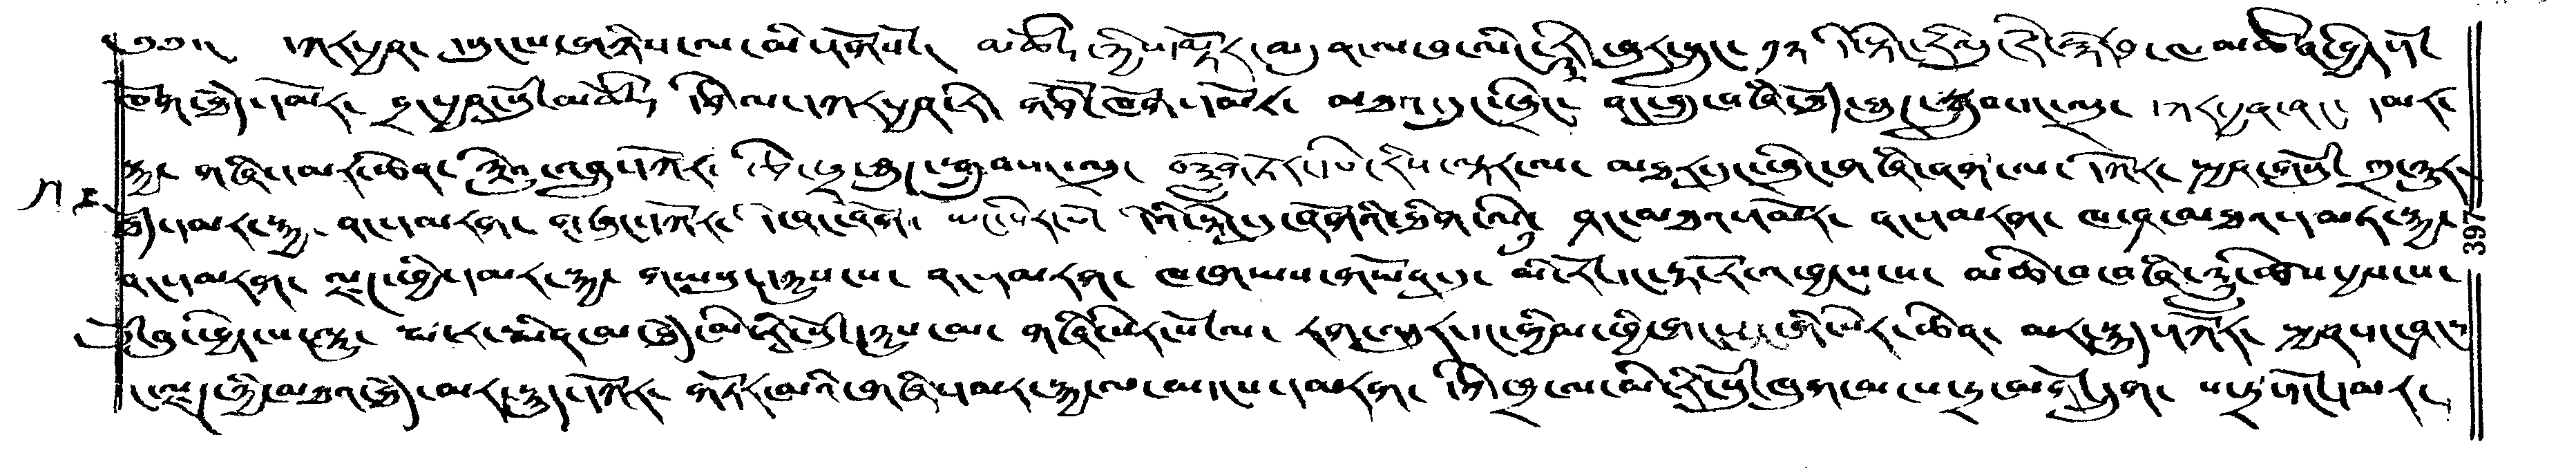དཀར་རྒྱན། དཔུང་པ་གཉིས་ལ་མི་དགོས་སོ། མཚམས་ཀྱིས་དམར་གཏོར་མདུན་ལ་བ་ལིང་གསུམ་རེ་ཕུར་སྲུང་བཅུ་གཉིས། དེ་སྟེང་རིལ་བུ་རེ་རེས་བསྐོར་བ་བཞི་མཚན་བྱེད་དམ། 
ཁོག་ཐམས་ཅད་དམར་པོ། བྲང་རྒྱན་སུམ་མཚམས། རྩེ་ལ་དཀར་རྒྱན་རེ། གཙོ་ཁོག་དམར་པོ། མཐའ་དུང་ཕྲེང་། ནང་གྲུ་བཞི་ཐམས་ཅད་ཐུགས་སྒྲུབ་དང་འདྲ། དཀར་རྒྱན་ནང་དམར་
སྐྱ། གཞི་དམར་ཆེན། ཟེའུ་འབྲུ་དཀར་པོ། རྩེ་ཕྲ་ཐུགས་སྒྲུབ་དང་འདྲ། བཟློག་གཏོར་དཔེ་རིས་ལྟར་ལ། མཐར་དུང་ཕྲེང་གཞི་ནག་ལ་དཀར་པོ། སྤྱན་གསུམ། གྲ་ཟུར་
ཐམས་ཅད་དམར་སྐྱ། ནང་དམར་ནག གཞུང་དཀར་པོ། དེ་ནང་ནག་པོ། ཡང་སེར་པོ། དེའི་སྟེང་དུ་ནག་པོའི་ཐིག་ལེ་གཅིག ཤངས་མཐའ་དམར་པོ། ནང་དམར་ནག ཁ་ཤ་མཐའ་དམར་སྐྱ། 
ནང་དམར་ནག ལྗགས་ཕྱི་དམར་སྐྱ། གཡས་སུ་དཀྱུས་པ། ནང་དམར་ནག ཁ་གཡས་གཡོན་དུ། མི་རོ་དང་རྟ་རོ་འཕྱངས་པ། མཆེ་བ་བཞི་ཟླ་ཚེས་རྒྱས་པ་
དུམ་བུ་ཕྱེད་པ་ལྟ་བུ། སྨ་ར་སྨིན་མ་ཐམས་ཅད་མེ་རི་སུམ་དཀྱུས་མ། གཞི་སེར་པོ་ལ། རག་འདུར་དང་ཁྱིམ་ཕྱི་གང་རུང་གི་སེར་ཆེན། མར་སྐུད་དཀར་པོ། སྤྱན་དང་ཤངས་
ལྗགས་ཀྱི་མཐའ་ཐམས་ཅད་སྐུད་དཀར་པོ། གཏོར་མའི་གཞི་དམར་སྐྱ་ལ་མདངས་དམར་ནག རྩེ་ཕྲ་ལ་མེ་རི་སུམ་ཁུག་མ་པ་ཏྲ་མགོ་དྲུག པ་ཏྲ་དང་པོ་དམར།